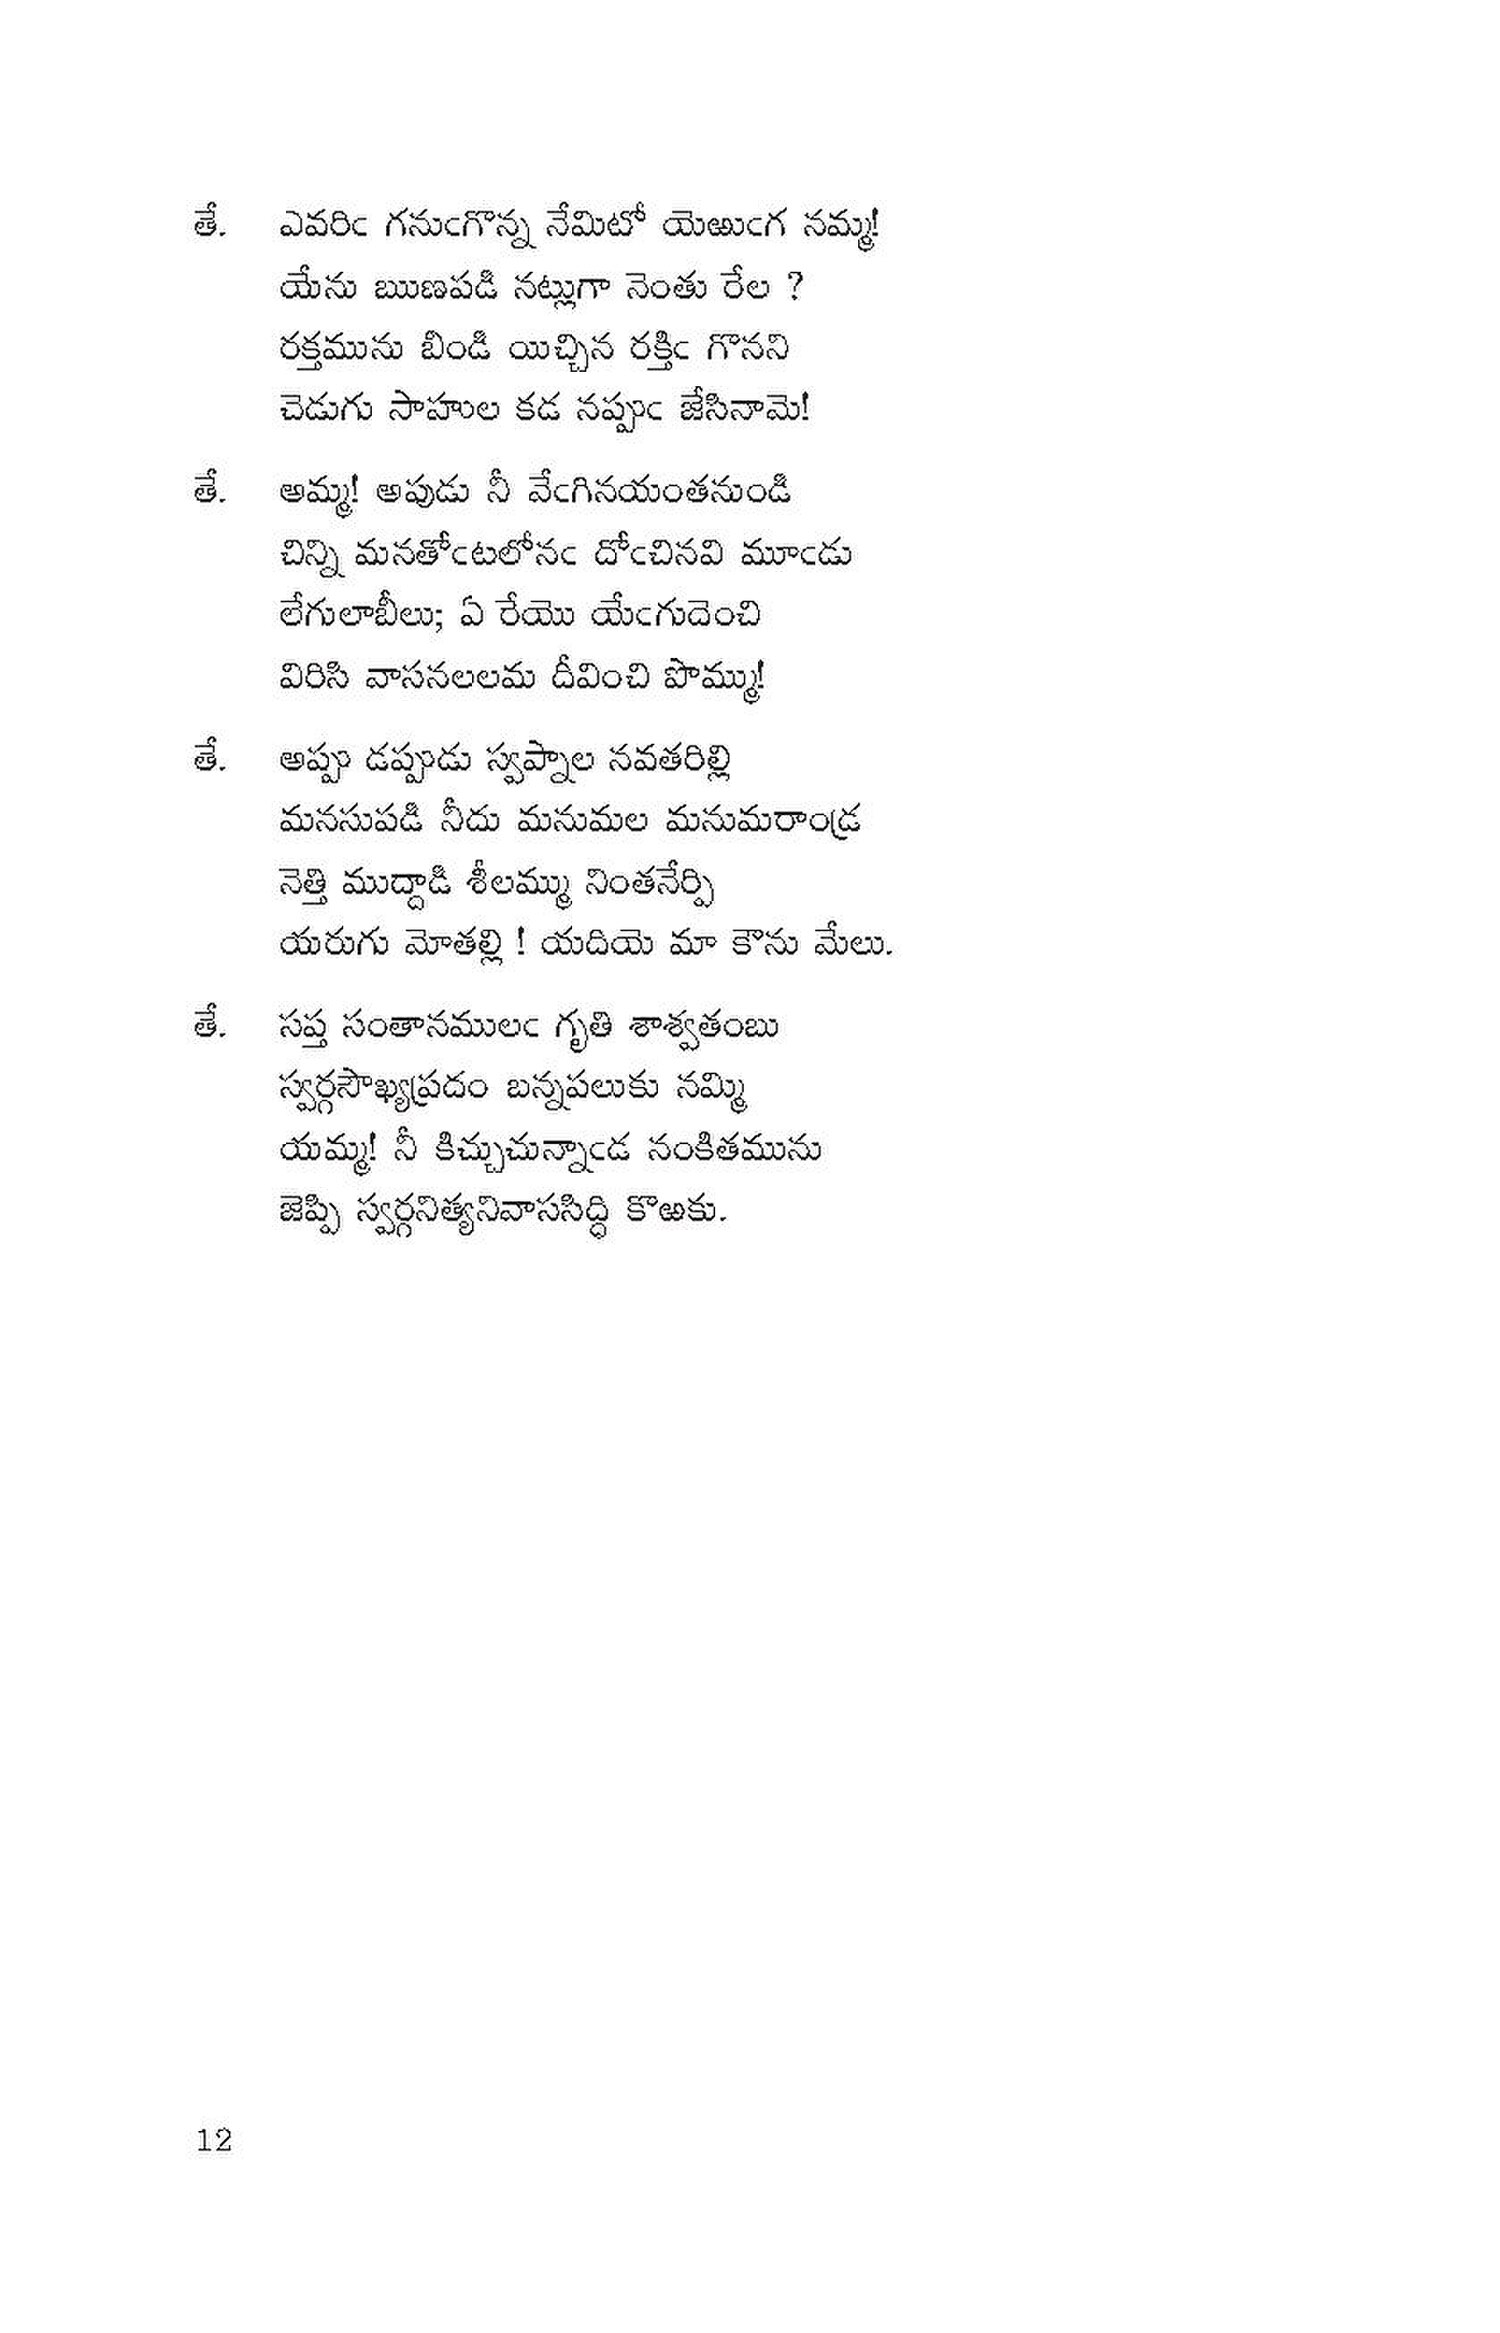తే. ఎవరిఁ గనుఁగొన్న నేమిటో యెఱుఁగ నమ్మ!
 యేను ఋణపడి నట్లుగా నెంతు రేల ?
 రక్తమును బిండి యిచ్చిన రక్తిఁ గొనని
 చెడుగు సాహుల కడ నప్పుఁ జేసినామె!
 
తే. అమ్మ! అపుడు నీ వేఁగినయంతనుండి
 చిన్ని మనతోఁటలోనఁ దోఁచినవి మూఁడు
 లేగులాబీలు; ఏ రేయొ యేఁగుదెంచి
 విరిసి వాసనలలమ దీవించి పొమ్ము!
 
తే. అప్పు డప్పుడు స్వప్నాల నవతరిల్లి
 మనసుపడి నీదు మనుమల మనుమరాండ్ర
 నెత్తి ముద్దాడి శీలమ్ము నింతనేర్పి
 యరుగు మోతల్లి ! యదియె మా కౌను మేలు.
 
తే. సప్త సంతానములఁ గృతి శాశ్వతంబు
 స్వర్గసౌఖ్యప్రదం బన్నపలుకు నమ్మి
 యమ్మ! నీ కిచ్చుచున్నాఁడ నంకితమును
 జెప్పి స్వర్గనిత్యనివాససిద్ధి కొఱకు.